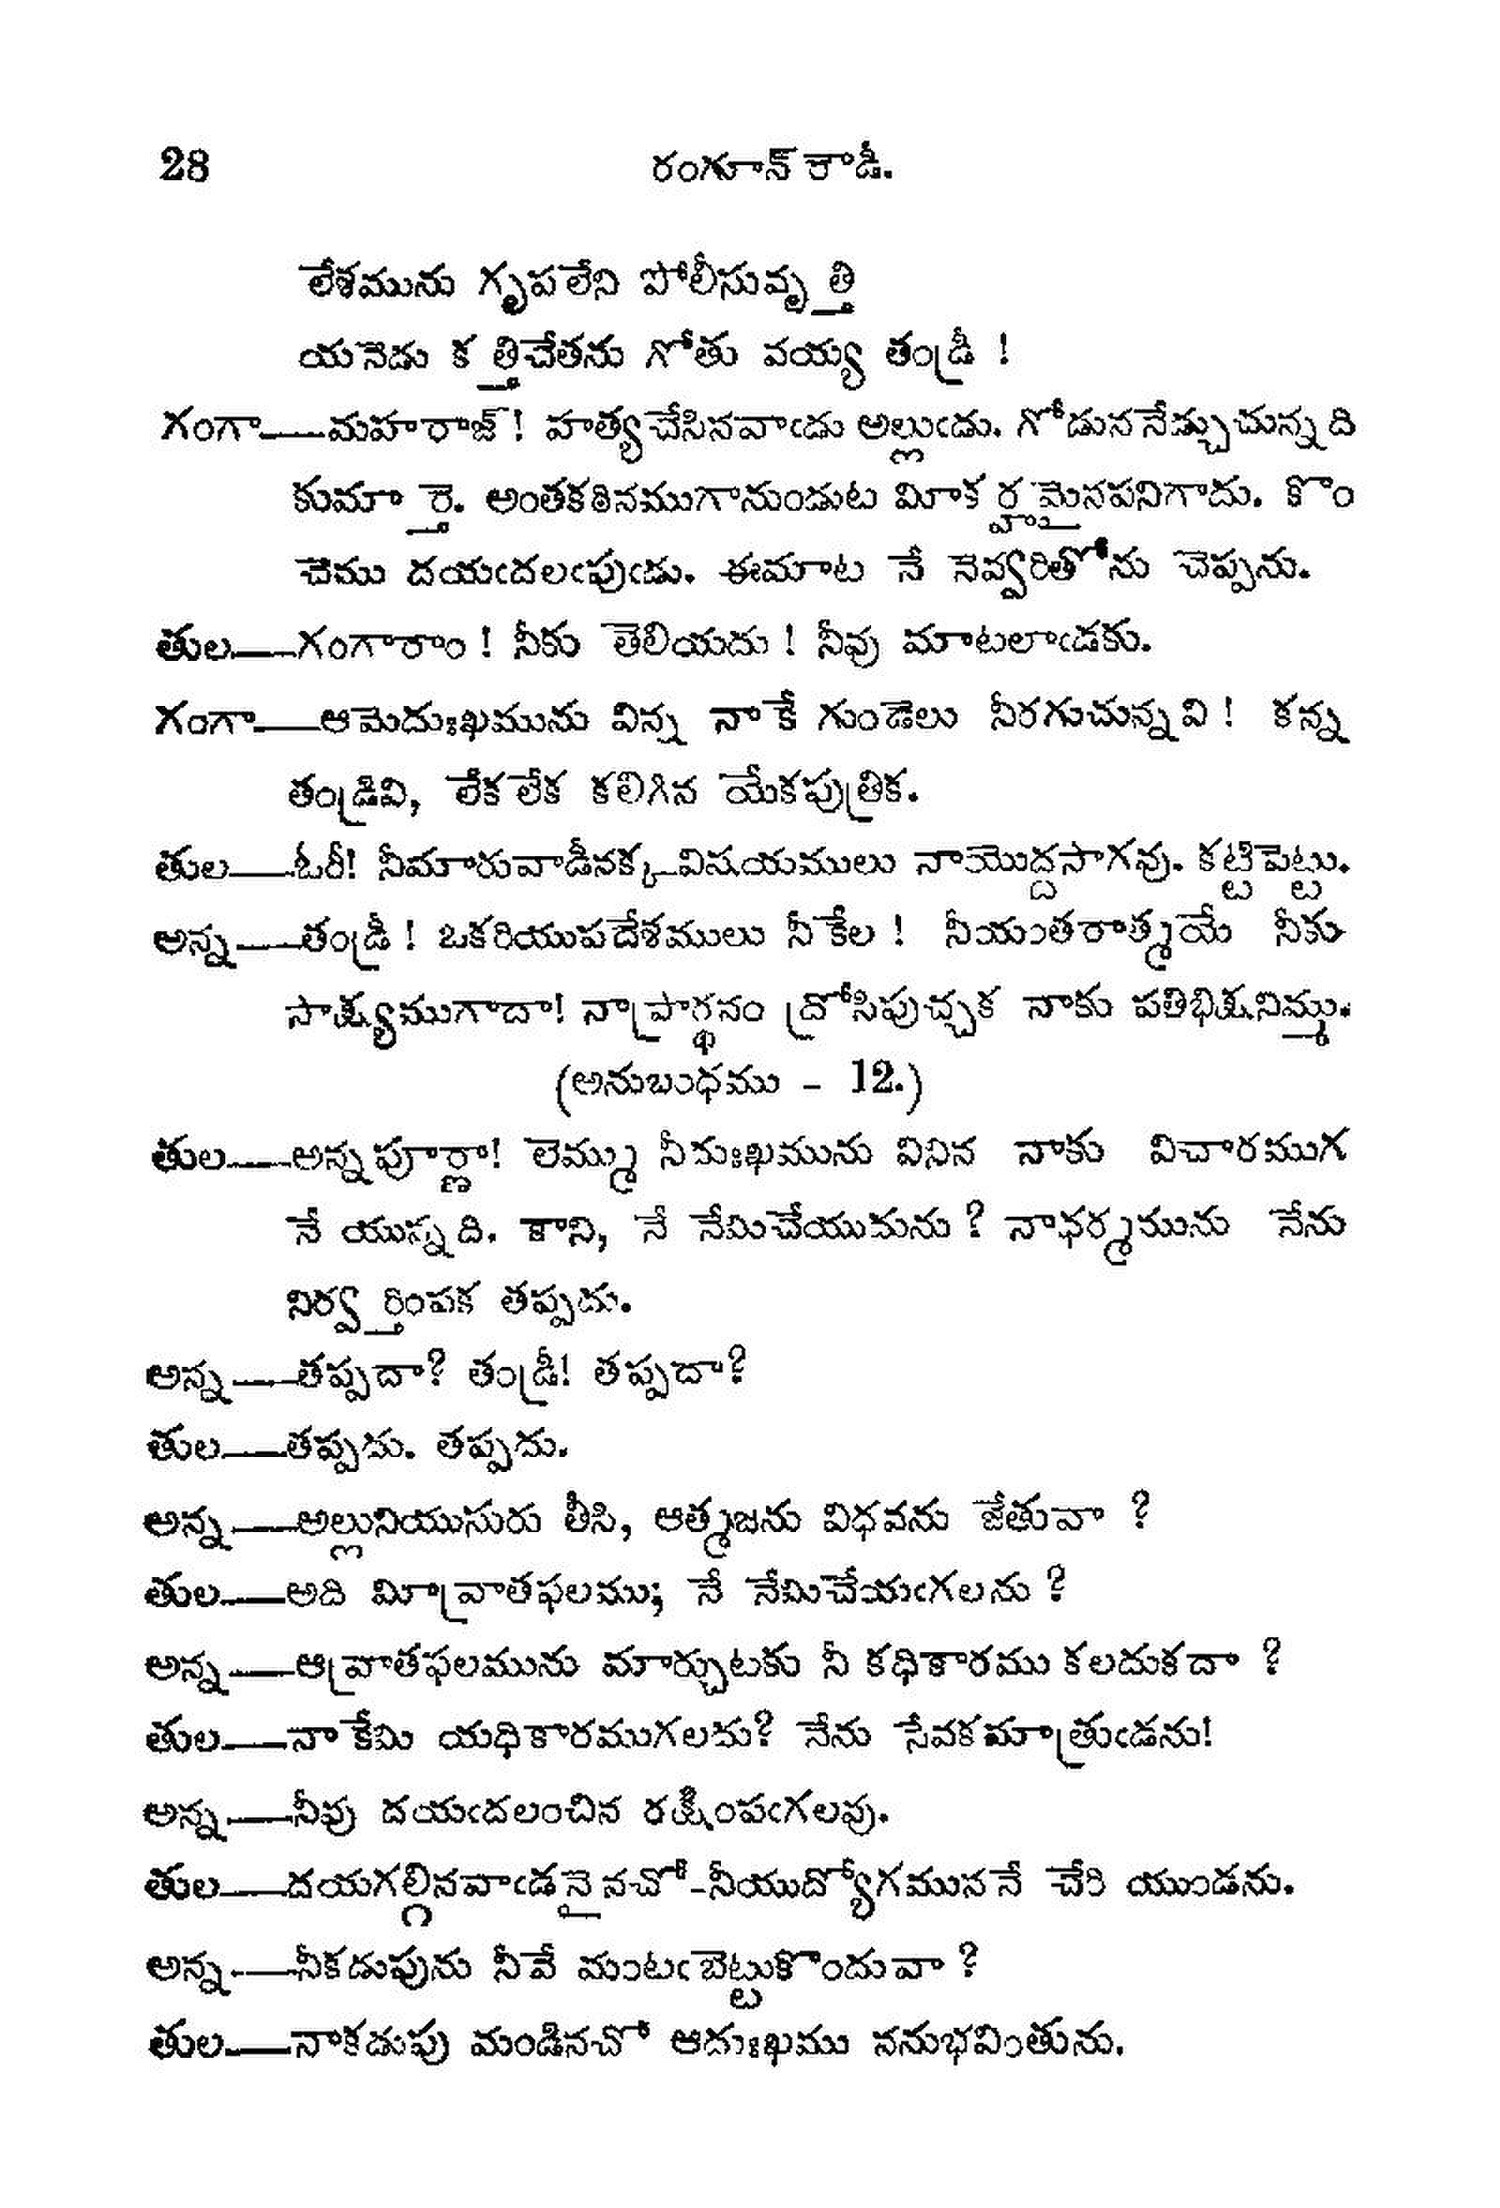లేశమును గృపలేని పోలీసువృత్తి
యనెడు కత్తిచేతను గోతు వయ్య తండ్రీ !
గంగా - మహరాజ్'! హత్యచేసినవాడు అల్లుఁడు. గోడుననేడ్చుచున్నది కుమార్తె. అంతకఠినముగా నుండుట మీకర్హమైనపనిగాదు. కొంచెము దయఁదలఁపుఁడు. ఈమాట నే నెవ్వరితోను చెప్పను.

తుల - గంగారాం ! నీకు తెలియదు ! నీవు మాటలాఁడకు.

గంగా - ఆమెదుఃఖమును విన్న నాకే గుండెలు నీరగుచున్నవి ! కన్న తండ్రివి, లేక లేక కలిగిన యేకపుత్రిక.

తుల - ఓరీ! నీమారువాడీనక్కవిషయములు నాయొద్దసాగవు. కట్టిపెట్టు.

అన్న - తండ్రీ ! ఒకరియుపదేశములు నీకేల ! నీయంతరాత్మయే నీకు సాక్ష్యముగాదా! నాప్రార్థనం ద్రోసిపుచ్చక నాకు పతిభిక్షనిమ్ము.

తుల - అన్నపూర్ణా! లెమ్ము నీదుఃఖమును వినిన నాకు విచారముగనే యున్నది. కాని, నే నేమిచేయుదును ? నాధర్మమును నేను నిర్వర్తింపక తప్పదు.

అన్న - తప్పదా? తండ్రీ! తప్పదా?

తుల - తప్పదు. తప్పదు.

అన్న - అల్లునియుసురు తీసి, ఆత్మజను విధవను జేతువా ?

తుల - అది మీవ్రాతఫలము; నే నేమిచేయఁగలను ?

అన్న - ఆవ్రాతఫలమును మార్చుటకు నీ కధికారము కలదుకదా ?

తుల - నాకేమి యధికారముగలదు? నేను సేవకమాత్రుఁడను!

అన్న -- నీవు దయఁదలంచిన రక్షింపఁగలవు.

తుల - దయగల్గినవాడనైనచో - నీయుద్యోగమున నే చేరి యుండను.

అన్న — నీకడుపును నీవే మంటఁ బెట్టుకొందువా ?

తుల - నాకడుపు మండినచో ఆదుఃఖము ననుభవింతును.